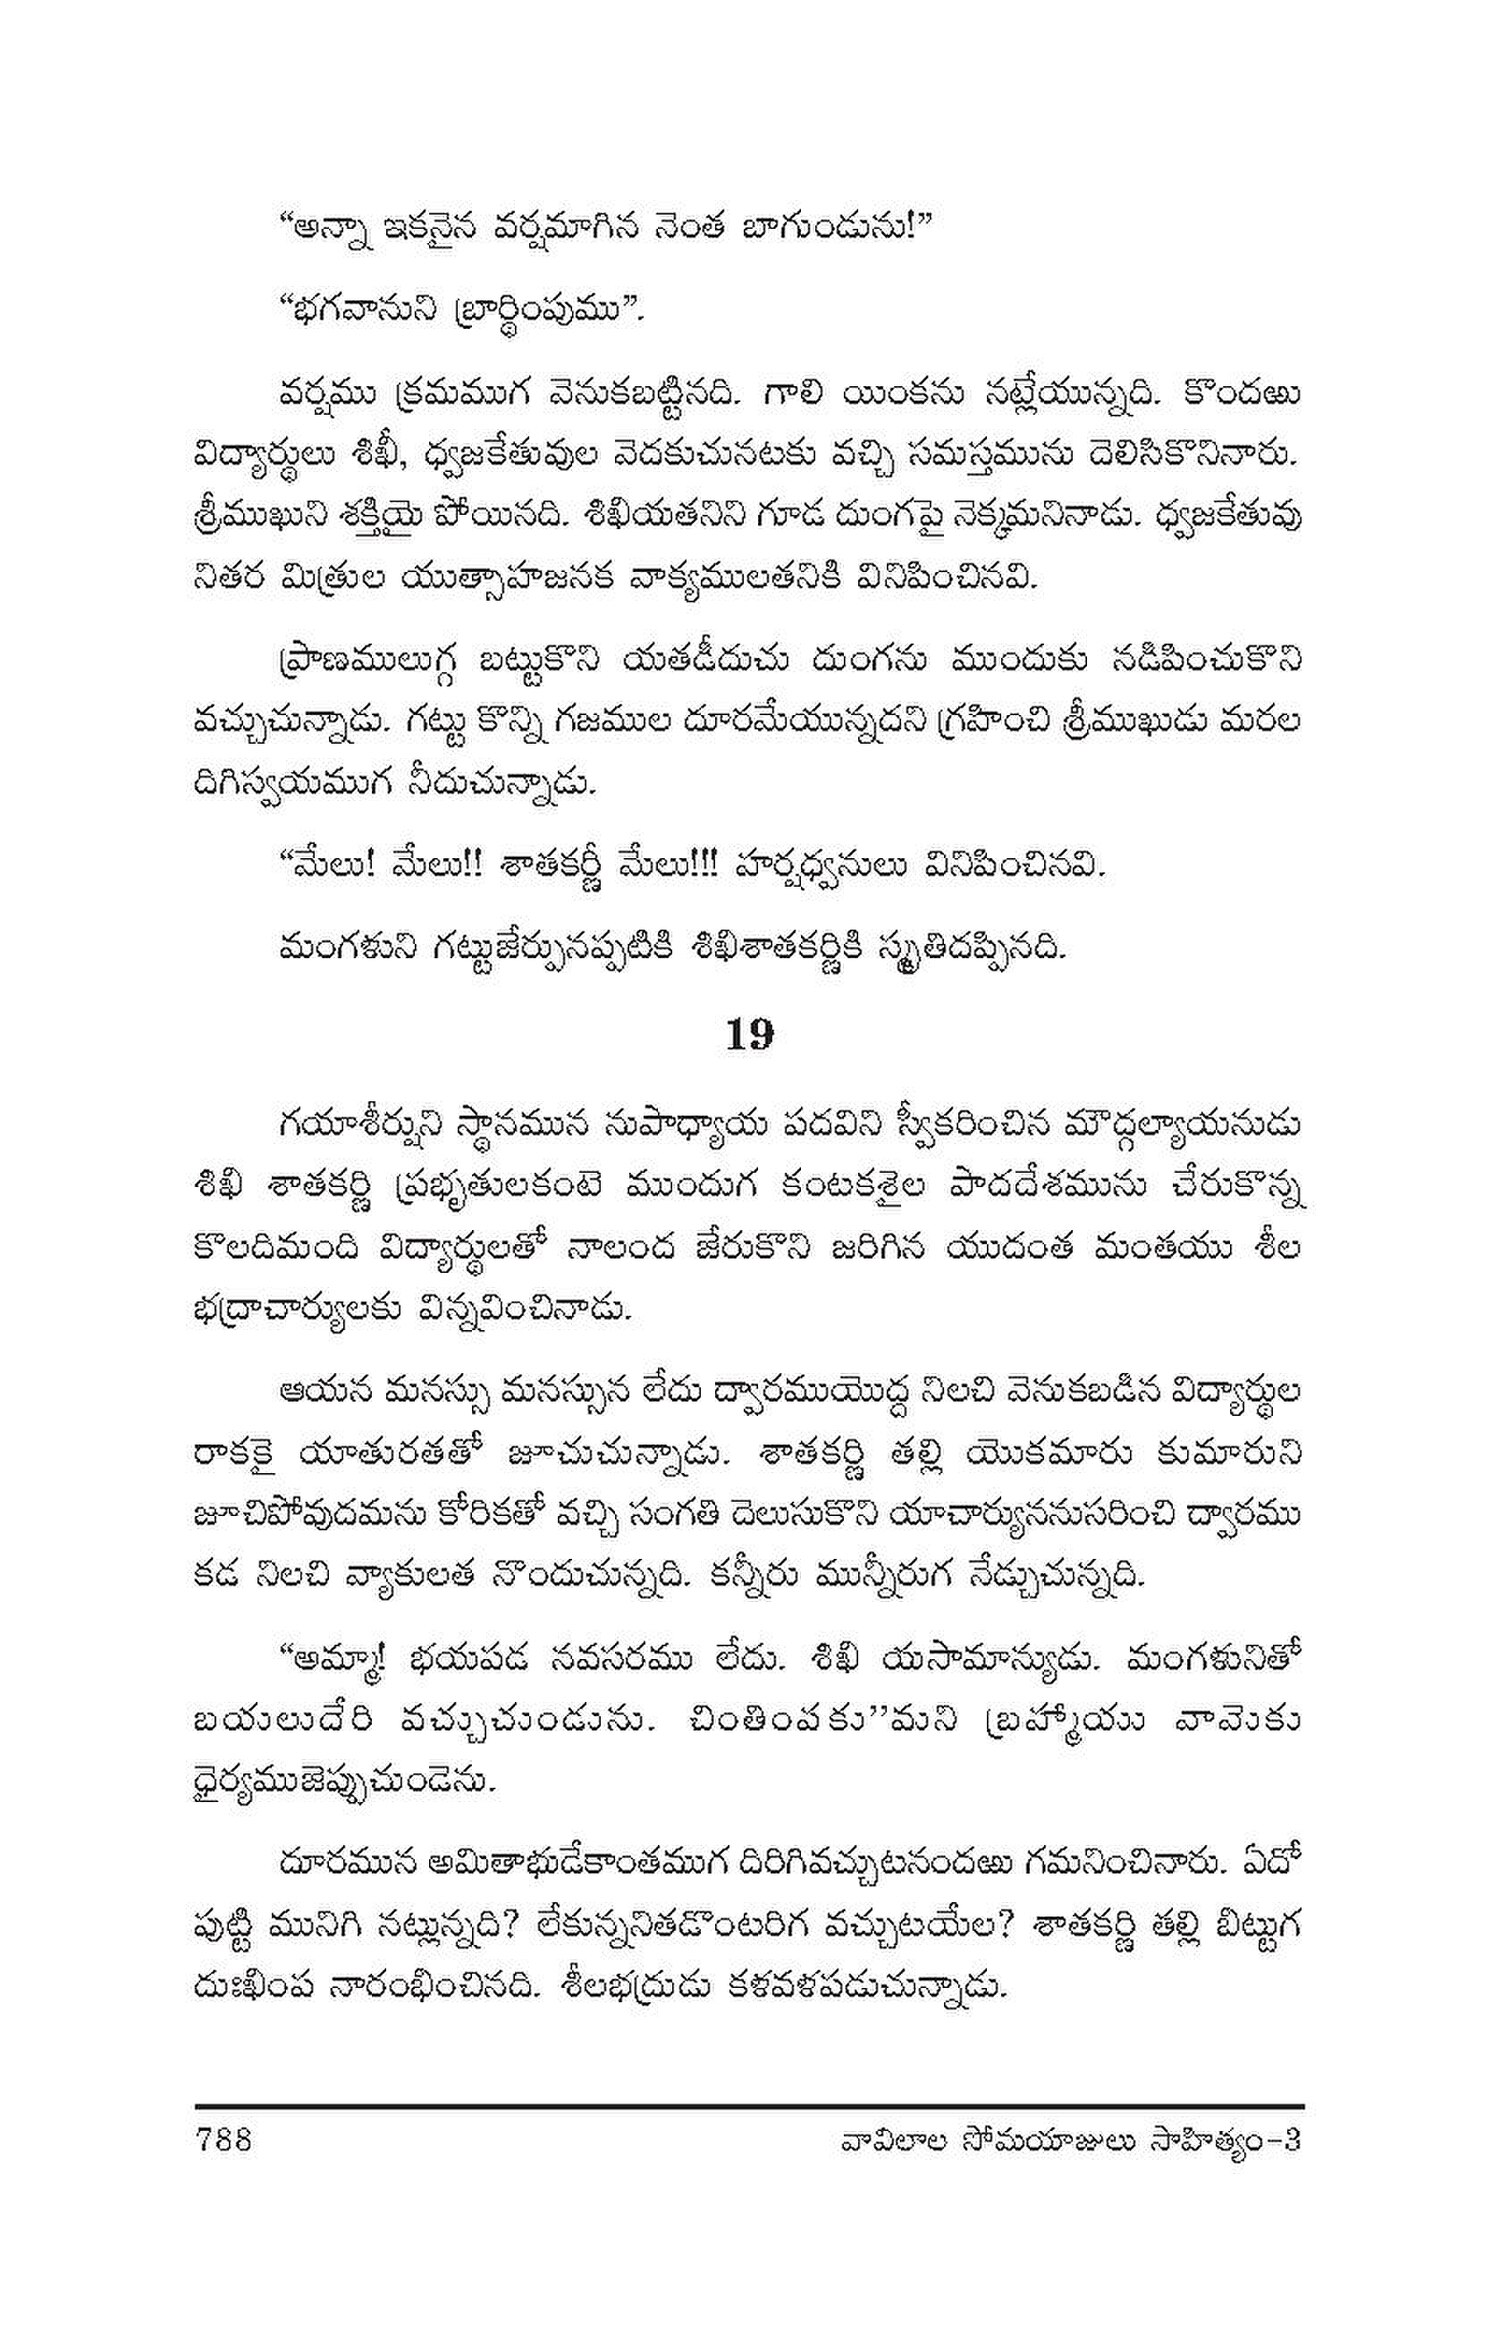“అన్నా ఇకనైన వర్షమాగిన నెంత బాగుండును!"

"భగవానుని బ్రార్థింపుము”.

వర్షము క్రమముగ వెనుకబట్టినది. గాలి యింకను నట్లేయున్నది. కొందఱు విద్యార్థులు శిఖీ, ధ్వజకేతువులు వెదకుచునటకు వచ్చి సమస్తమును దెలిసికొనినారు. శ్రీముఖుని శక్తియై పోయినది. శిఖియతనిని గూడ దుంగపై నెక్కమనినాడు. ధ్వజకేతువు నితర మిత్రుల యుత్సాహజనక వాక్యములతనికి వినిపించినవి.

ప్రాణములుగ్గ బట్టుకొని యతడీదుచు దుంగను ముందుకు నడిపించుకొని వచ్చుచున్నాడు. గట్టు కొన్ని గజముల దూరమేయున్నదని గ్రహించి శ్రీముఖుడు మరల దిగిస్వయముగ నీదుచున్నాడు.

"మేలు! మేలు!! శాతకర్ణి మేలు!!! హర్షధ్వనులు వినిపించినవి.

మంగళుని గట్టుజేర్పునప్పటికి శిఖిశాతకర్ణికి స్మృతిదప్పినది.

గయాశీర్షుని స్థానమున నుపాధ్యాయ పదవిని స్వీకరించిన మౌద్గల్యాయనుడు శిఖి శాతకర్ణి ప్రభృతులకంటె ముందుగ కంటకశైల పాదదేశమును చేరుకొన్న కొలదిమంది విద్యార్థులతో నాలంద జేరుకొని జరిగిన యుదంత మంతయు శీల భద్రాచార్యులకు విన్నవించినాడు.

ఆయన మనస్సు మనస్సున లేదు ద్వారముయొద్ద నిలచి వెనుకబడిన విద్యార్థుల రాకకై యాతురతతో జూచుచున్నాడు. శాతకర్ణి తల్లి యొకమారు కుమారుని జూచిపోవుదమను కోరికతో వచ్చి సంగతి దెలుసుకొని యాచార్యుననుసరించి ద్వారము కడ నిలచి వ్యాకులత నొందుచున్నది. కన్నీరు మున్నీరుగ నేడ్చుచున్నది.

"అమ్మా! భయపడ నవసరము లేదు. శిఖి యసామాన్యుడు. మంగళునితో బయలుదేరి వచ్చుచుండును. చింతింపకు"మని బ్రహ్మాయు వామెకు ధైర్యము జెప్పుచుండెను.

దూరమున అమితాభుడేకాంతముగ దిరిగివచ్చుటనందఱు గమనించినారు. ఏదో పుట్టి మునిగి నట్లున్నది? లేకున్ననితడొంటరిగ వచ్చుటయేల? శాతకర్ణి తల్లి బిట్టుగ దుఃఖింప నారంభించినది. శీలభద్రుడు కళవళపడుచున్నాడు.